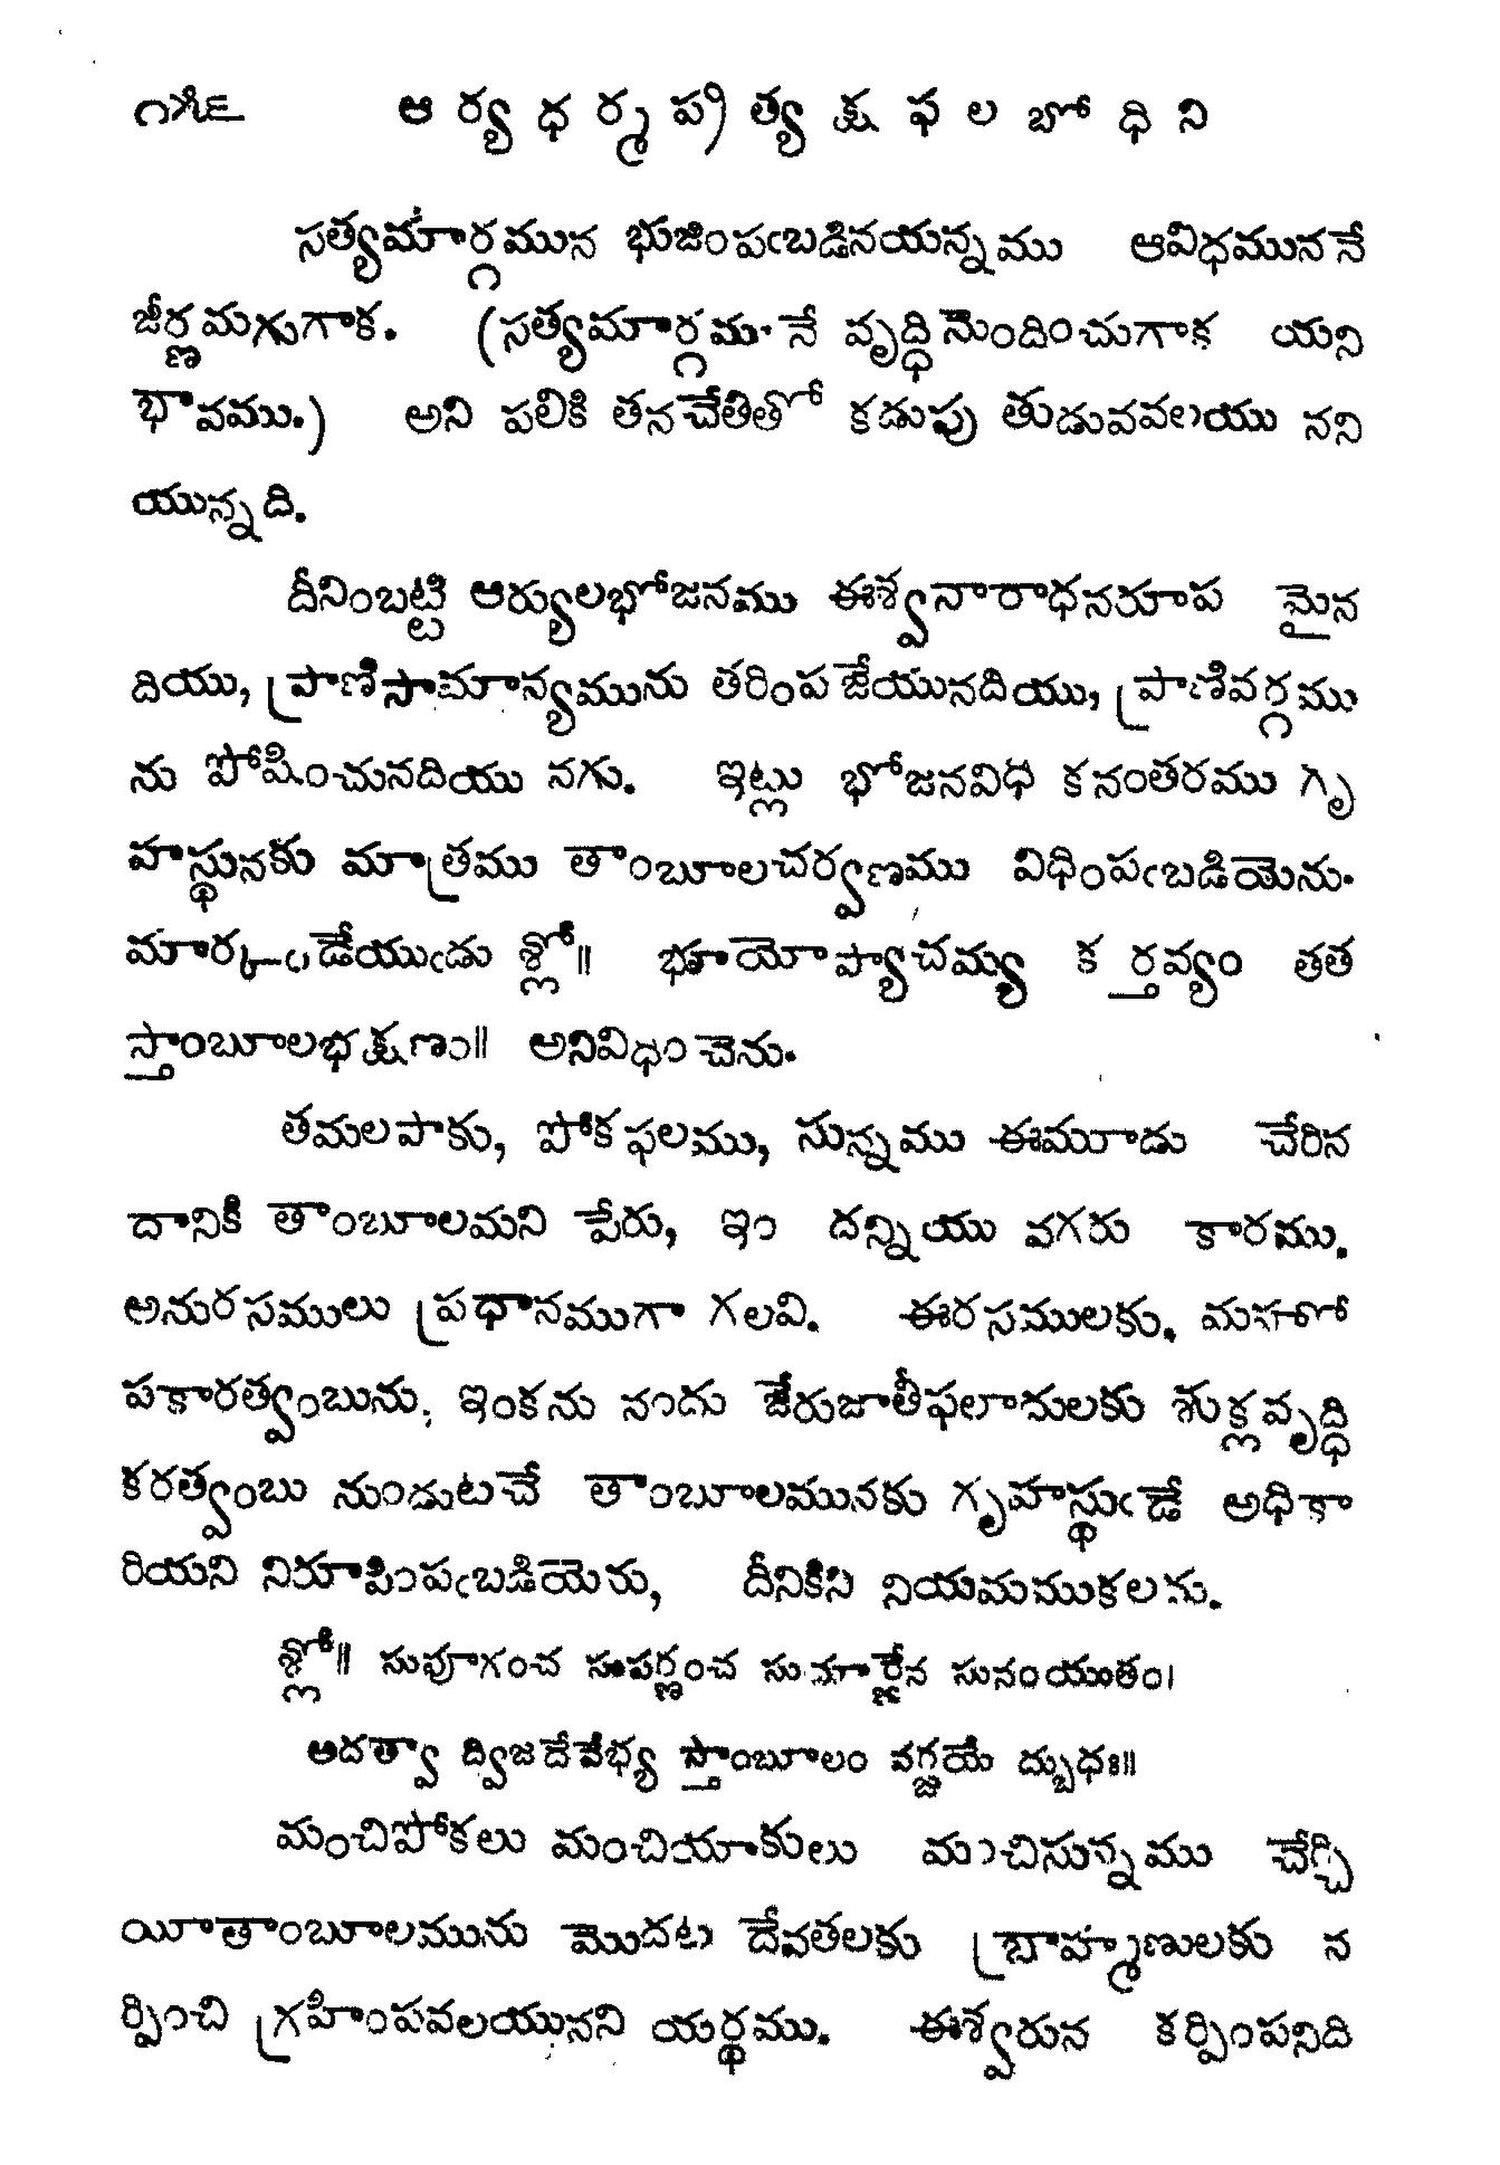సత్యమార్గమున భుజింపఁబడినయన్నము ఆవిధముననే జీర్ణమగుగాక. (సత్యమార్గమునే వృద్ధినొందించుగాక యని భావము.) అని పలికి తనచేతితో కడుపు తుడువవలయు నని యున్నది.

దీనింబట్టి ఆర్యులభోజనము ఈశ్వనారాధనరూప మైనదియు, ప్రాణిసామాన్యమును తరింపజేయునదియు, ప్రాణివర్గమును పోషించునదియు నగు. ఇట్లు భోజనవిధి కనంతరము గృహస్థునకు మాత్రము తాంబూలచర్వణము విధింపఁబడియెను. మార్కండేయుఁడు శ్లో॥ భూయోప్యాచమ్య కర్తవ్యం తతస్తాంబూలభక్షణం అనివిధంచెను.

తమలపాకు, పోకఫలము, సున్నము ఈమూడు చేరిన దానికి తాంబూలమని పేరు, ఇం దన్నియు వగరు కారము, అనురసములు ప్రధానముగా గలవి. ఈరసములకు, మహోపకారత్వంబును, ఇంకను నందు జేరుజాతీఫలాదులకు శుక్లవృద్ధికరత్వంబు నుండుటచే తాంబూలమునకు గృహస్థుఁడే అధికారియని నిరూపింపఁబడియెను, దీనికిని నియమముకలదు.

శ్లో॥ సువూగంచ సుపర్ణంచ సుమార్ణేన సునంయుతం।
 అదత్వా ద్విజదేవేభ్య స్తాంబూలం వర్జయే ద్బుధః॥

మంచిపోకలు మంచియాకులు మంచిసున్నము చేర్చి యీతాంబూలమును మొదట దేవతలకు బ్రాహ్మణులకు నర్పించి గ్రహింపవలయునని యర్థము. ఈశ్వరున కర్పింపనిది